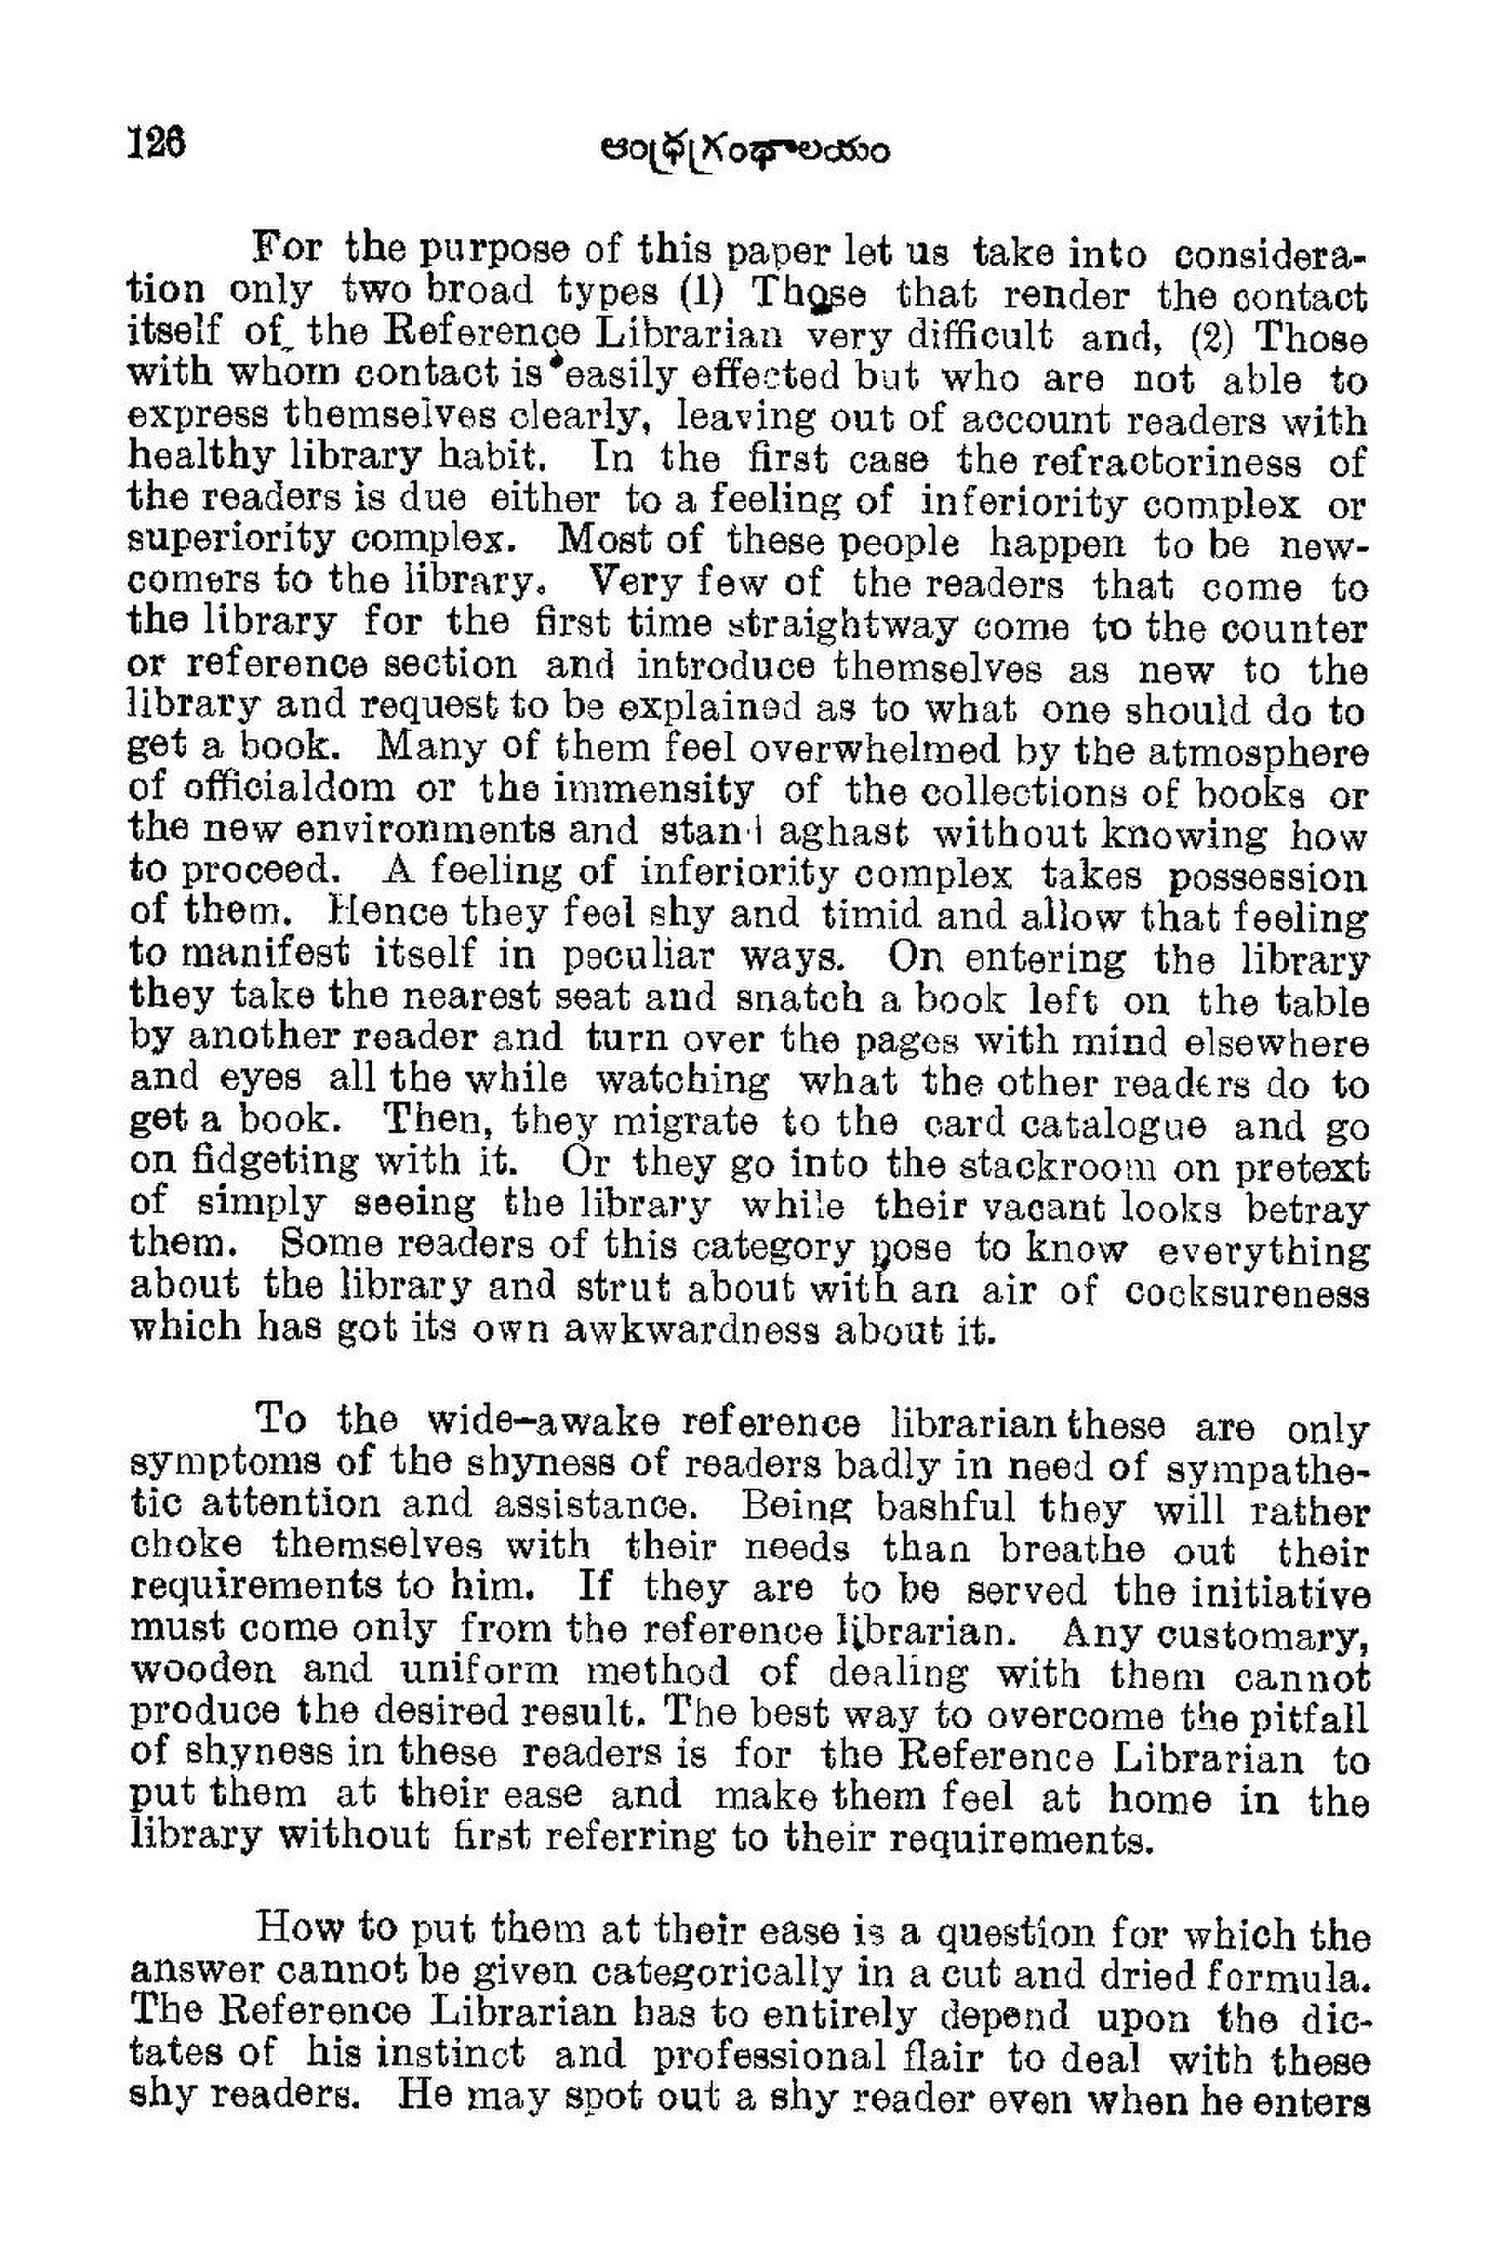For the purpose of this paper let us take into consideration only two broad types (1) Those that render 
the contact itself of the Reference Librarian very difficult and, (2) Those with whom contact is easily 
effected but who are not able to express themselves clearly, leaving out of account readers with
healthy library habit. In the first case the refractoriness of the readers is due either to a feeling of inferiority complex or superiority complex. Most of these people happen to be newcomers to the library. 
Very few of the readers that come to the library for the first time straightway come to the counter or 
reference section and introduce themselves as new to the library and request to be explained as to what 
one should do to get a book. Many of them feel overwhelmed by the atmosphere of officialdom or the 
immensity of the collections of books or the new environments and stain aghast without knowing how to 
proceed. A feeling of inferiority complex takes possession of them. Hence they feel shy and timid and 
allow that feeling to manifest itself in peculiar ways. On entering the library they take the nearest 
seat and snatch a book left on the table by another reader and turn over the pages with mind elsewhere
and eyes all the while watching what the other readers do to get a book. Then, they migrate to the card 
catalogue and go on fidgeting with it. Or they go into the stackroom on pretext of simply seeing the 
library while their vacant looks betray them. Some readers of this category pose to know everything
about the library and strut about with an air of cocksureness which has got its own awkwardness about it.

To the wide-awake reference librarian these are only symptoms of the shyness of readers badly in need of 
sympathetic attention and assistance. Being bashful they will rather choke themselves with their needs 
than breathe out their requirements to him. If they are to be served the initiative must come only from 
the reference librarian. Any customary, wooden and uniform method of dealing with them cannot produce 
the desired result. The best way to overcome the pitfall of shyness in these readers is for the 
Reference Librarian to put them at their ease and make them feel at home in the library without first 
referring to their requirements. 

How to put them at their ease is a question for which the answer cannot be given categorically in a 
cut and dried formula. The Reference Librarian has to entirely depend upon the dictates of his instinct 
and professional flair to deal with these shy readers. He may spot out a shy reader even when he enters